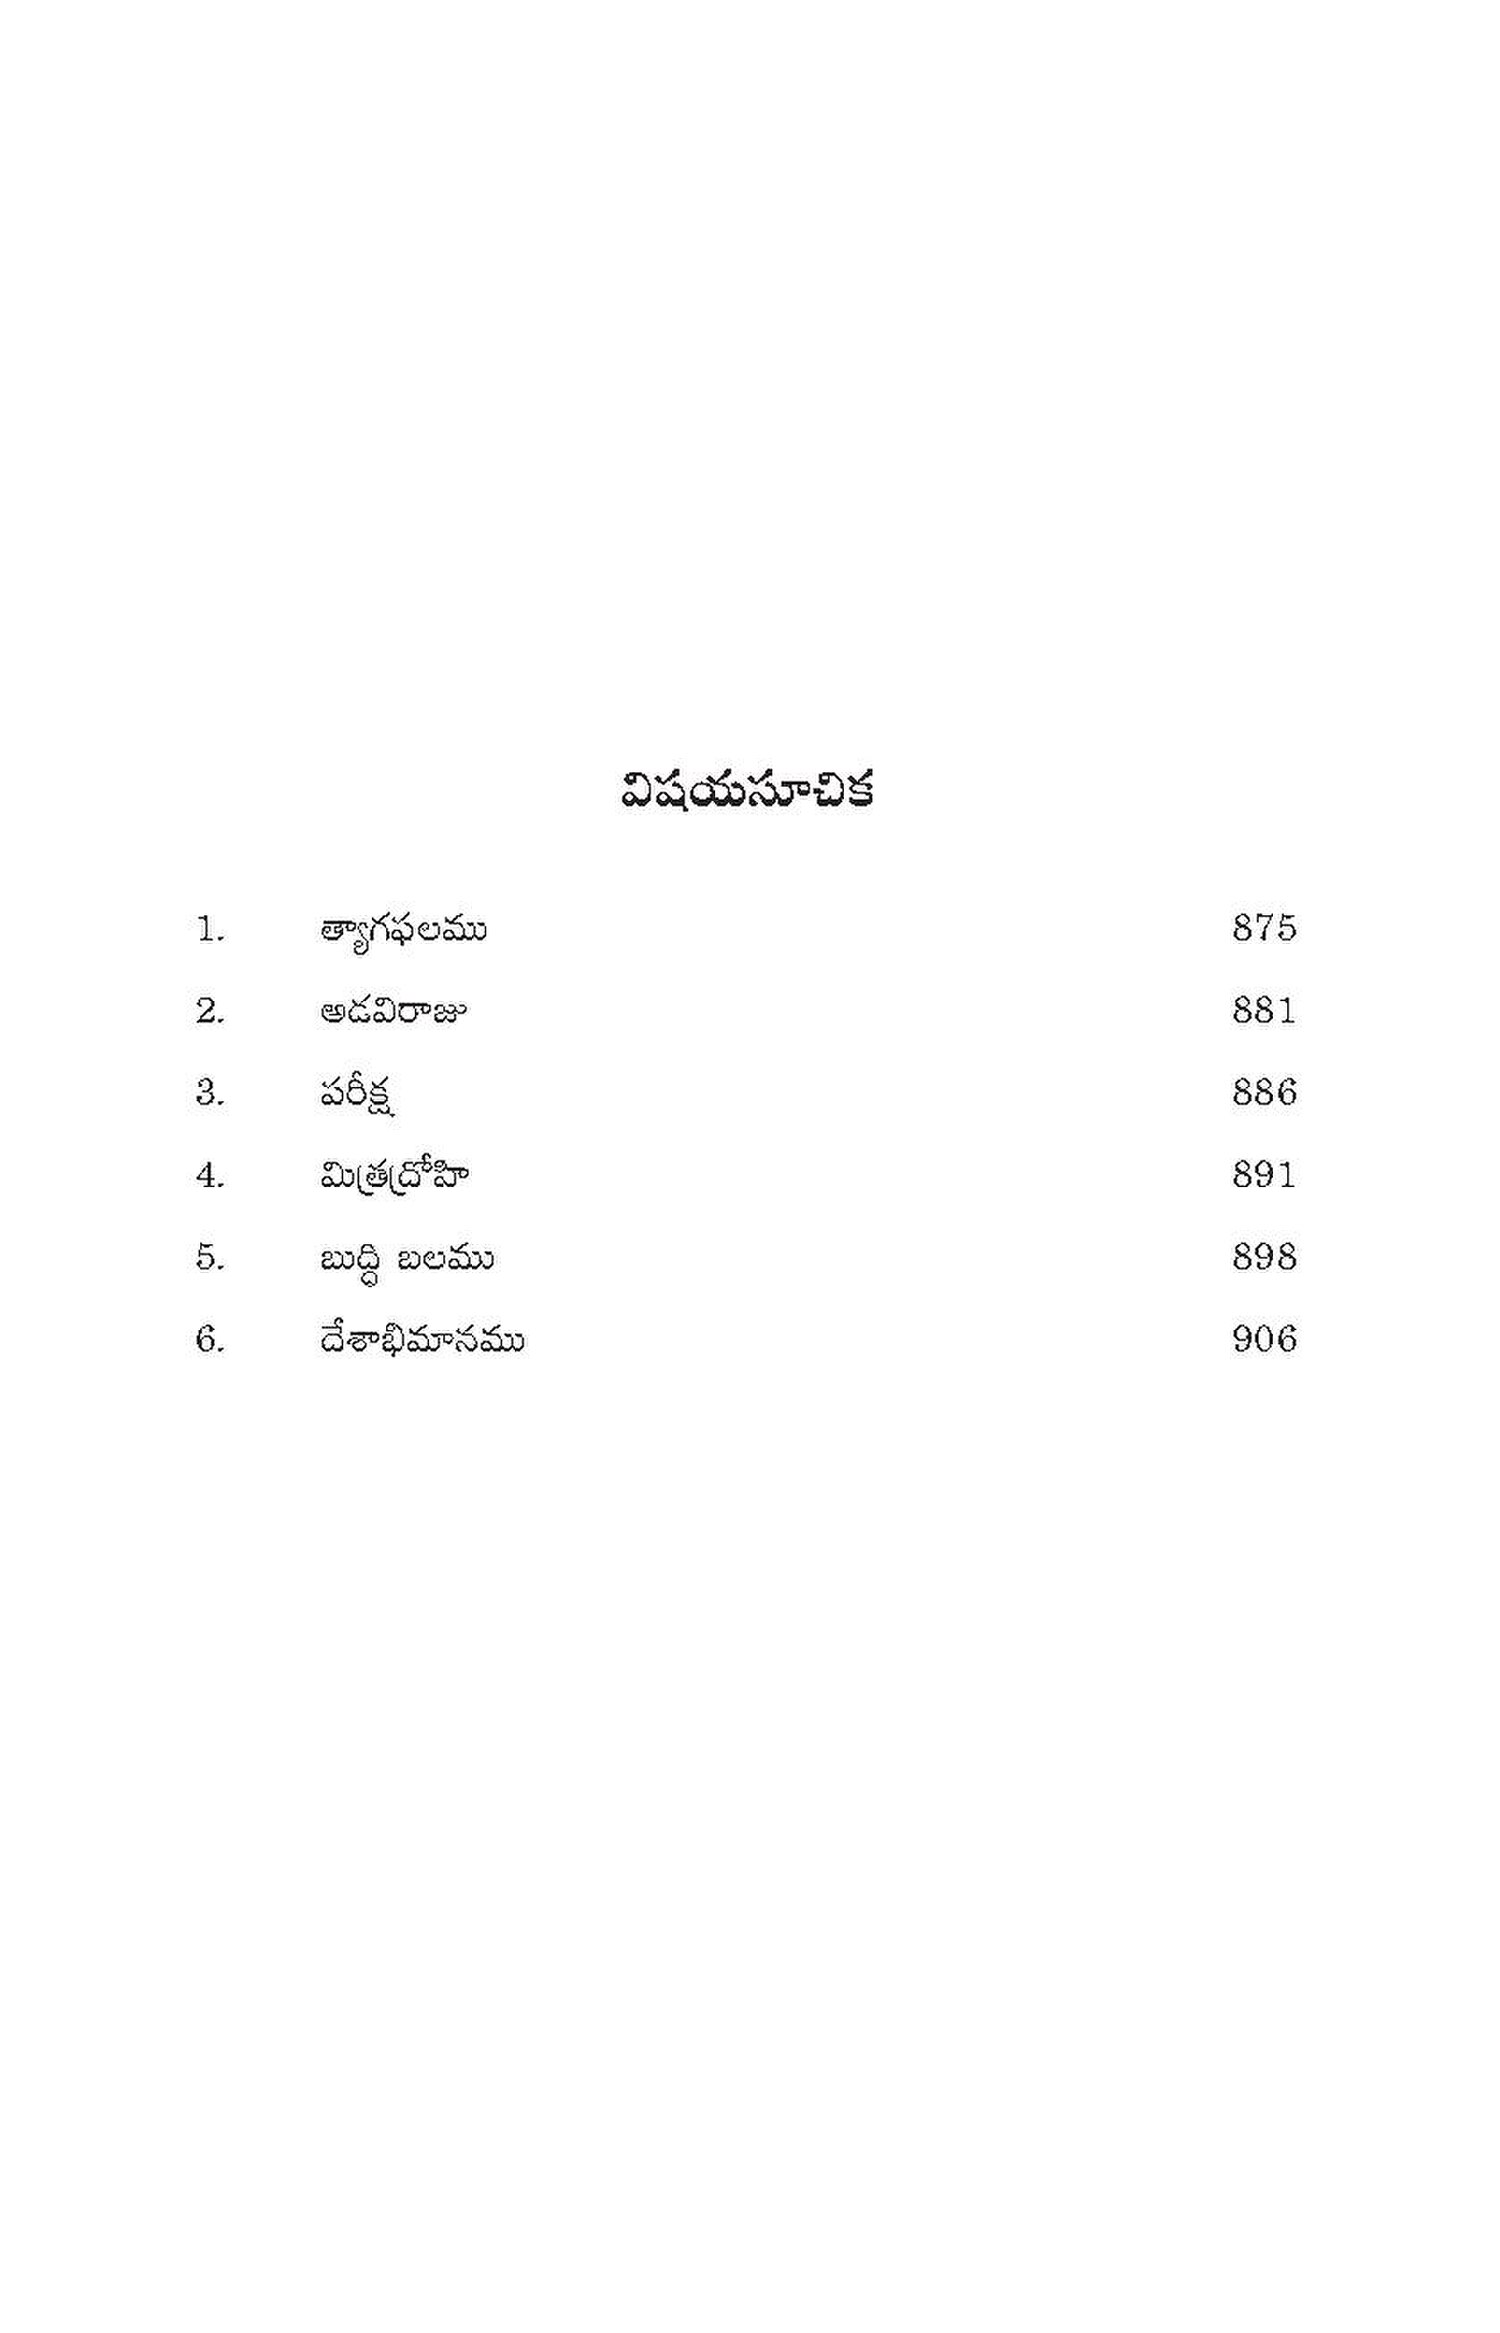విషయసూచిక
1. త్యాగఫలము 875

2. అడవిరాజు 881

3. పరీక్ష 886

4. మిత్రద్రోహి 891

5. బుద్ధి బలము 898

6. దేశాభిమానము 906